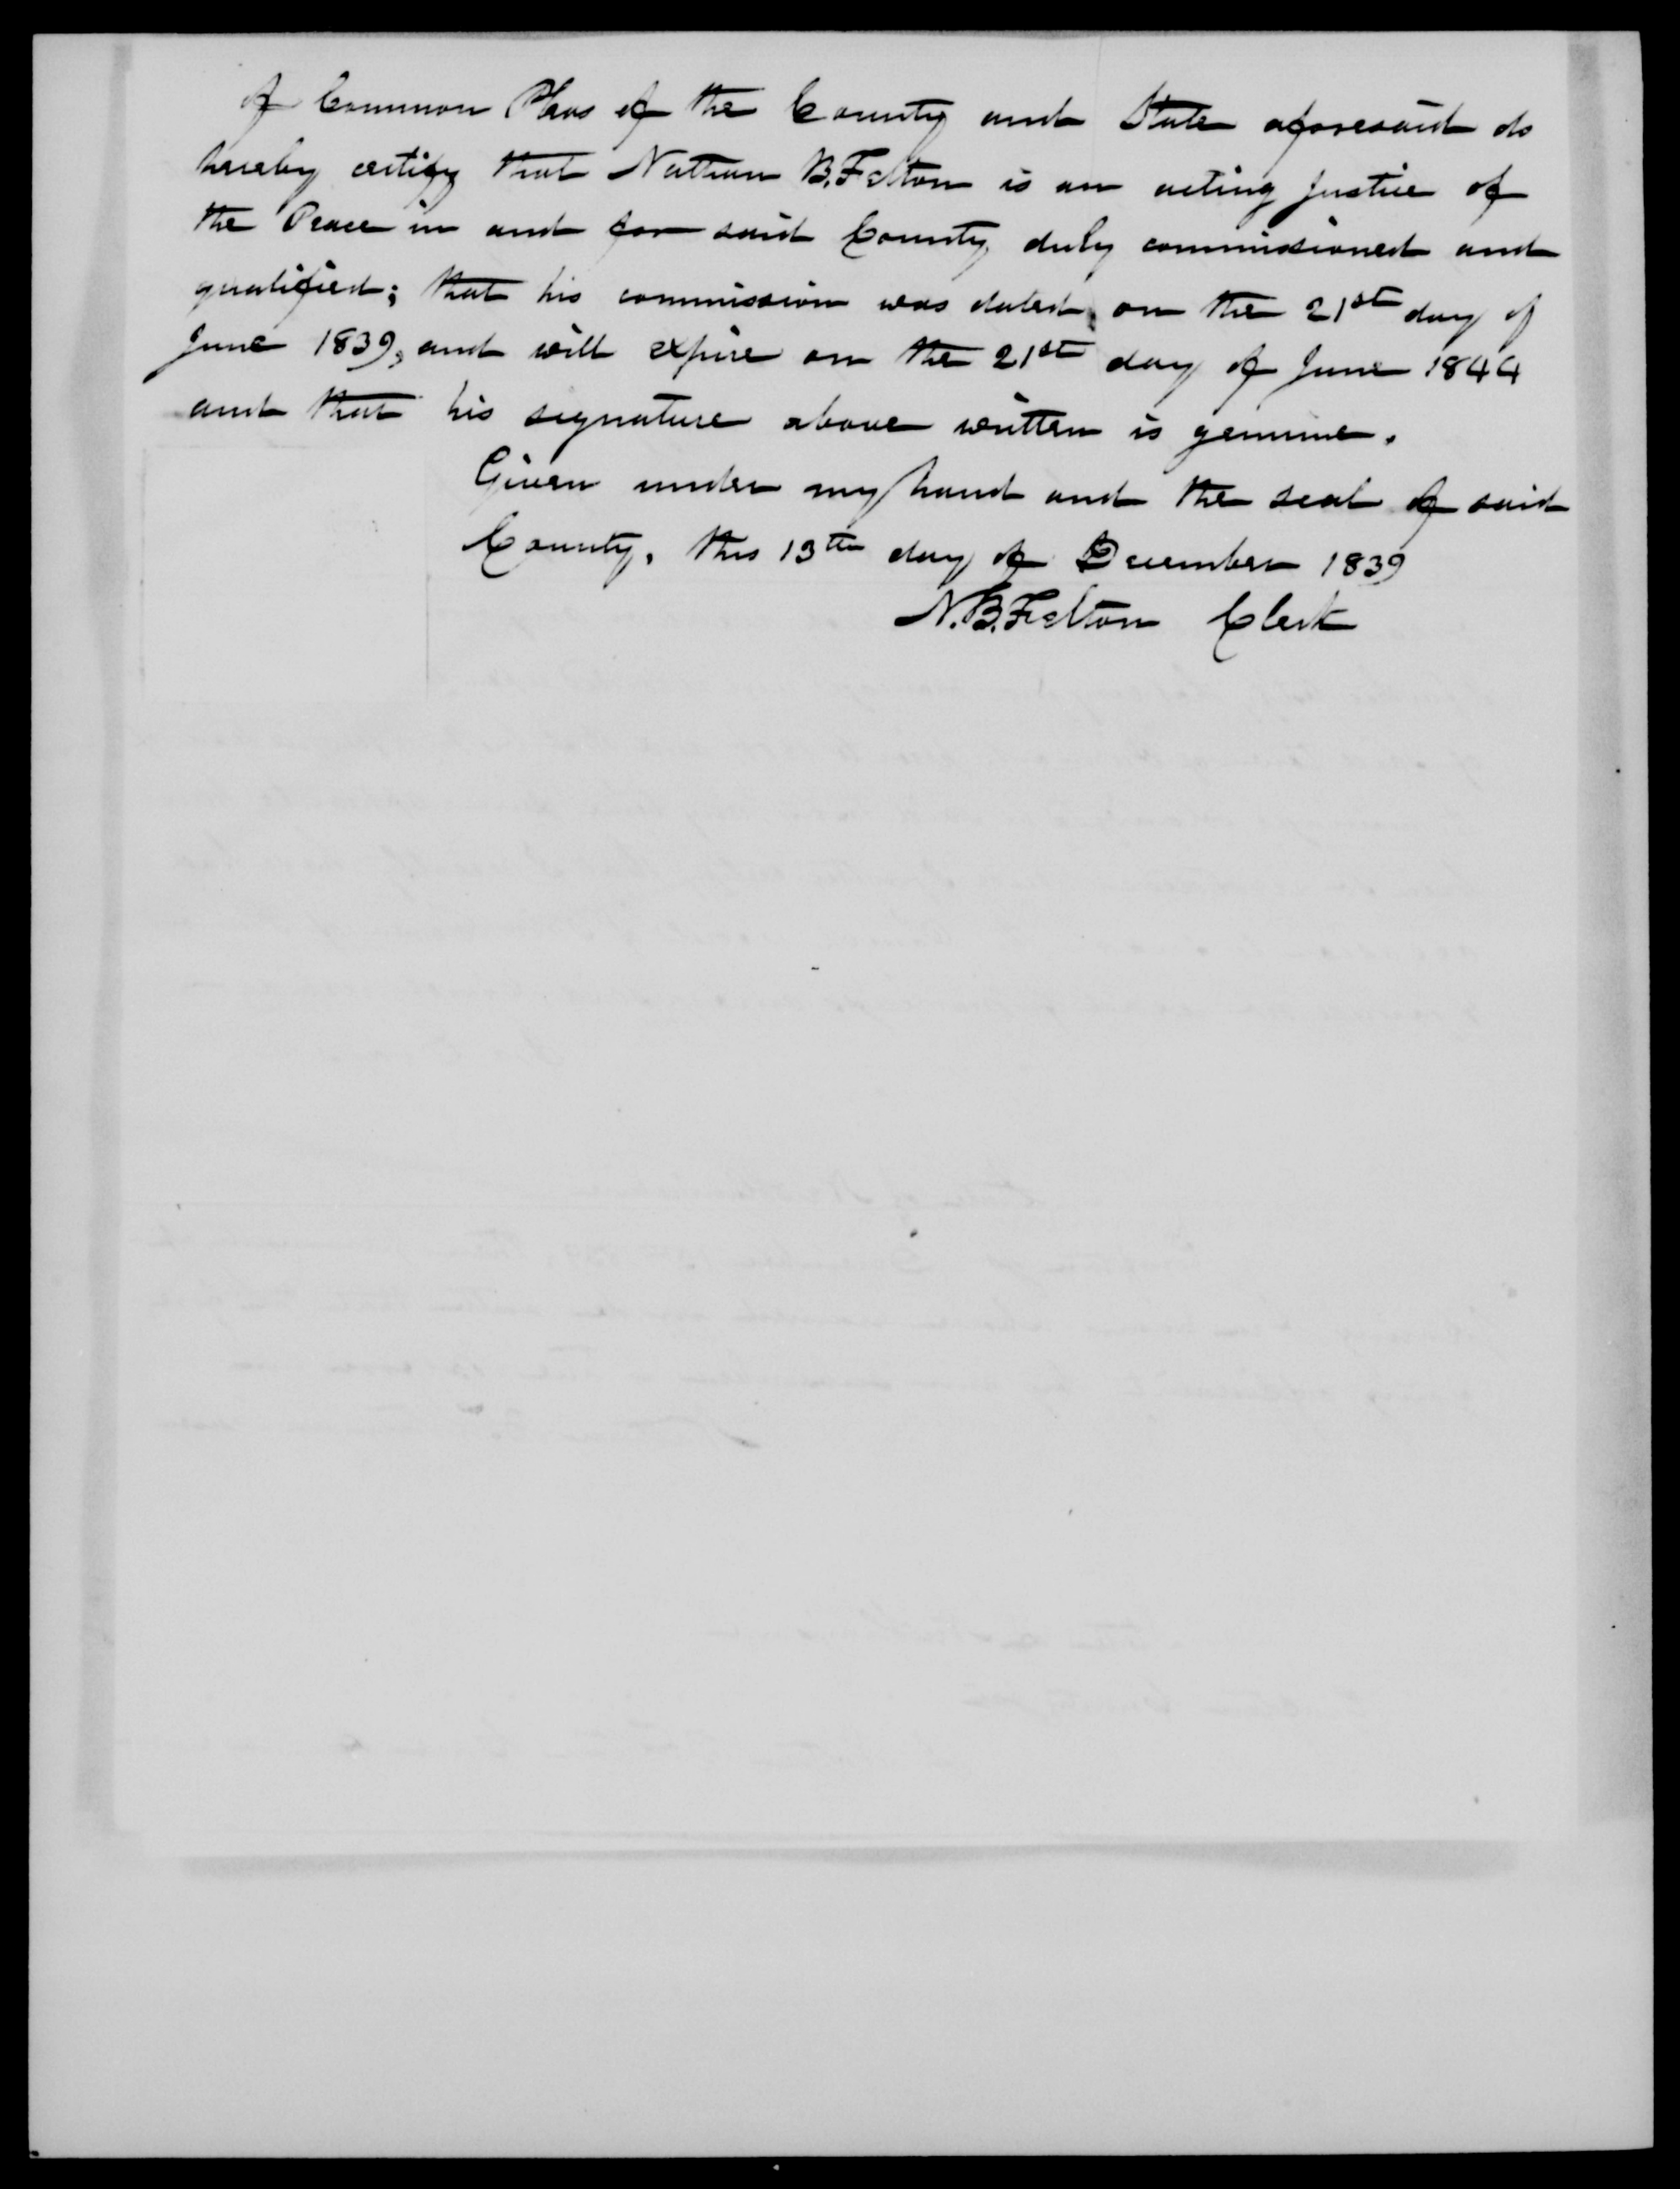of Common Pleas of the County and State aforesaid do
hereby certify that Nathan B Felton is an acting Justice of
the Peace in and for said County duly commissioned and
qualified; that his commission was dated on the 21st day of
June 1839, and will expire on the 21st day of June 1844
and that his signature above written is genuine.
Given under my hand and the seal of said
County, this 13th day of December 1839
N. B. Felton Clerk
---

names: N B Felton; Nathan B Felton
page: 38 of 46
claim: widow's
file: W. 24976, for Daniel Skinner, New Hampshire